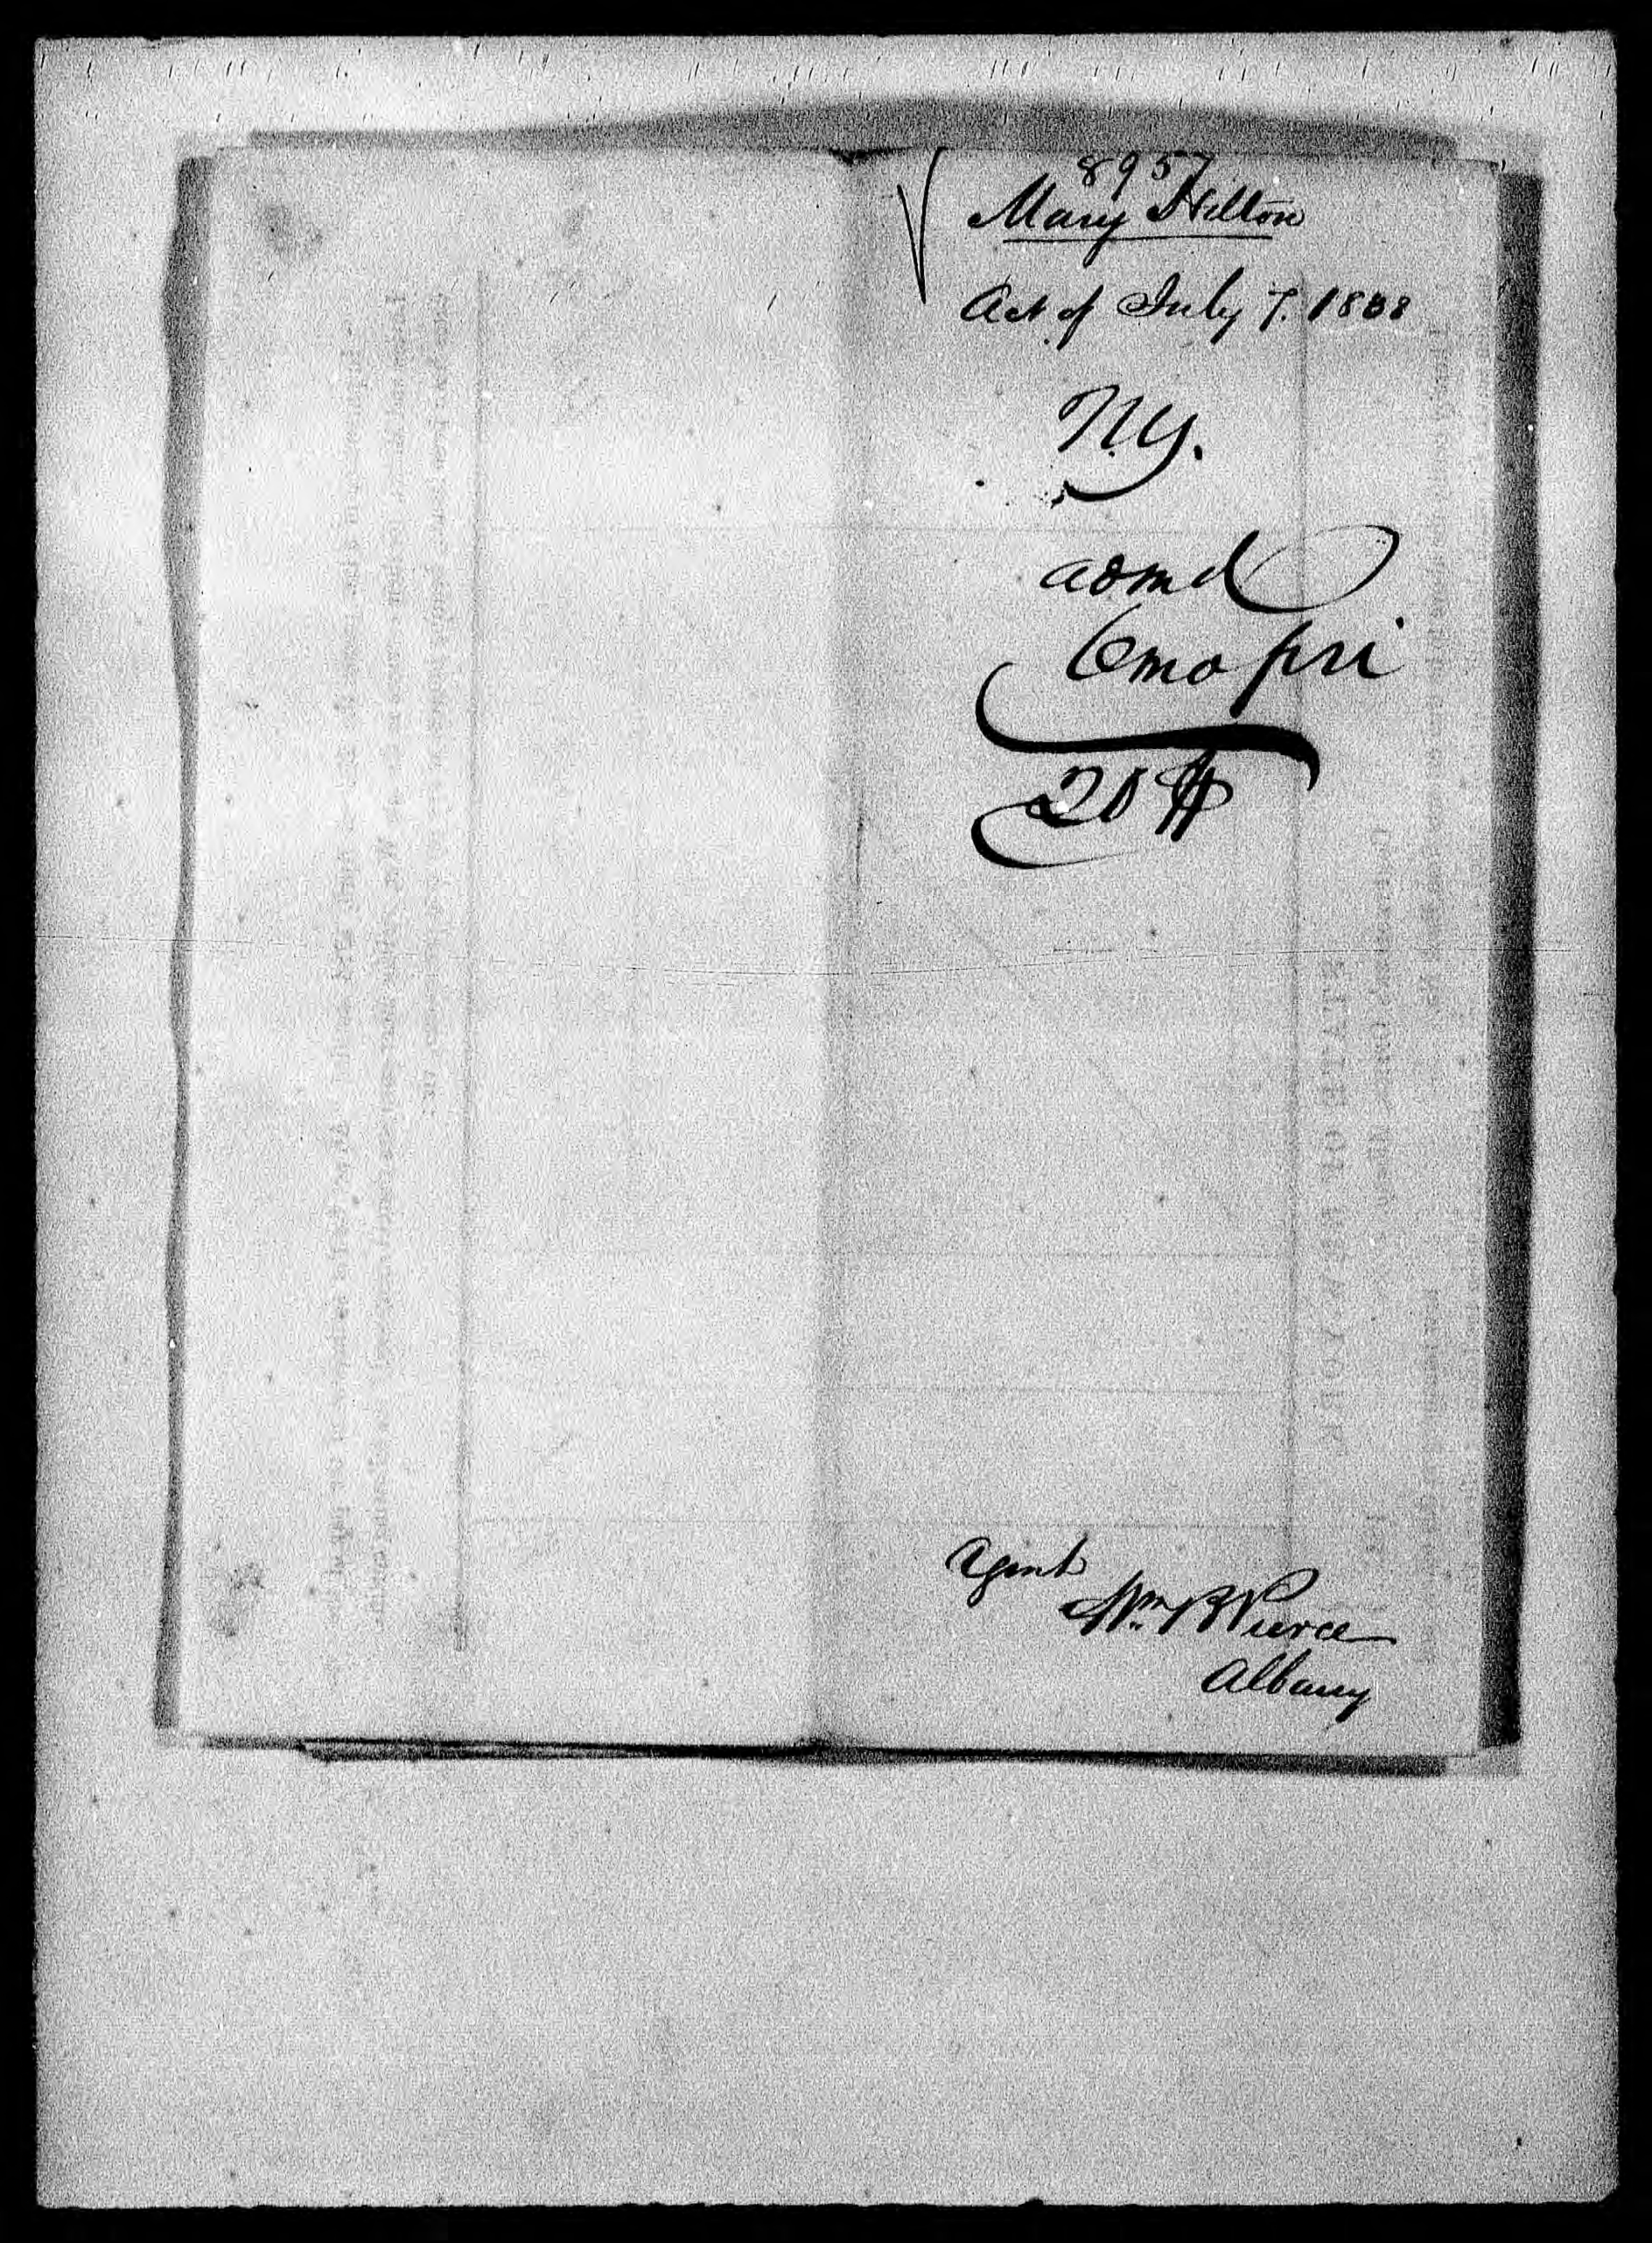895
Mary Hilton
Act of July 7. 18{illegible)8
NY
aomd
6 mo fri
20$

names: Mary Hilton, Wm B Pierce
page: 45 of 48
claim: widow's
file: W. 19788, Jacob W Hilton, New York